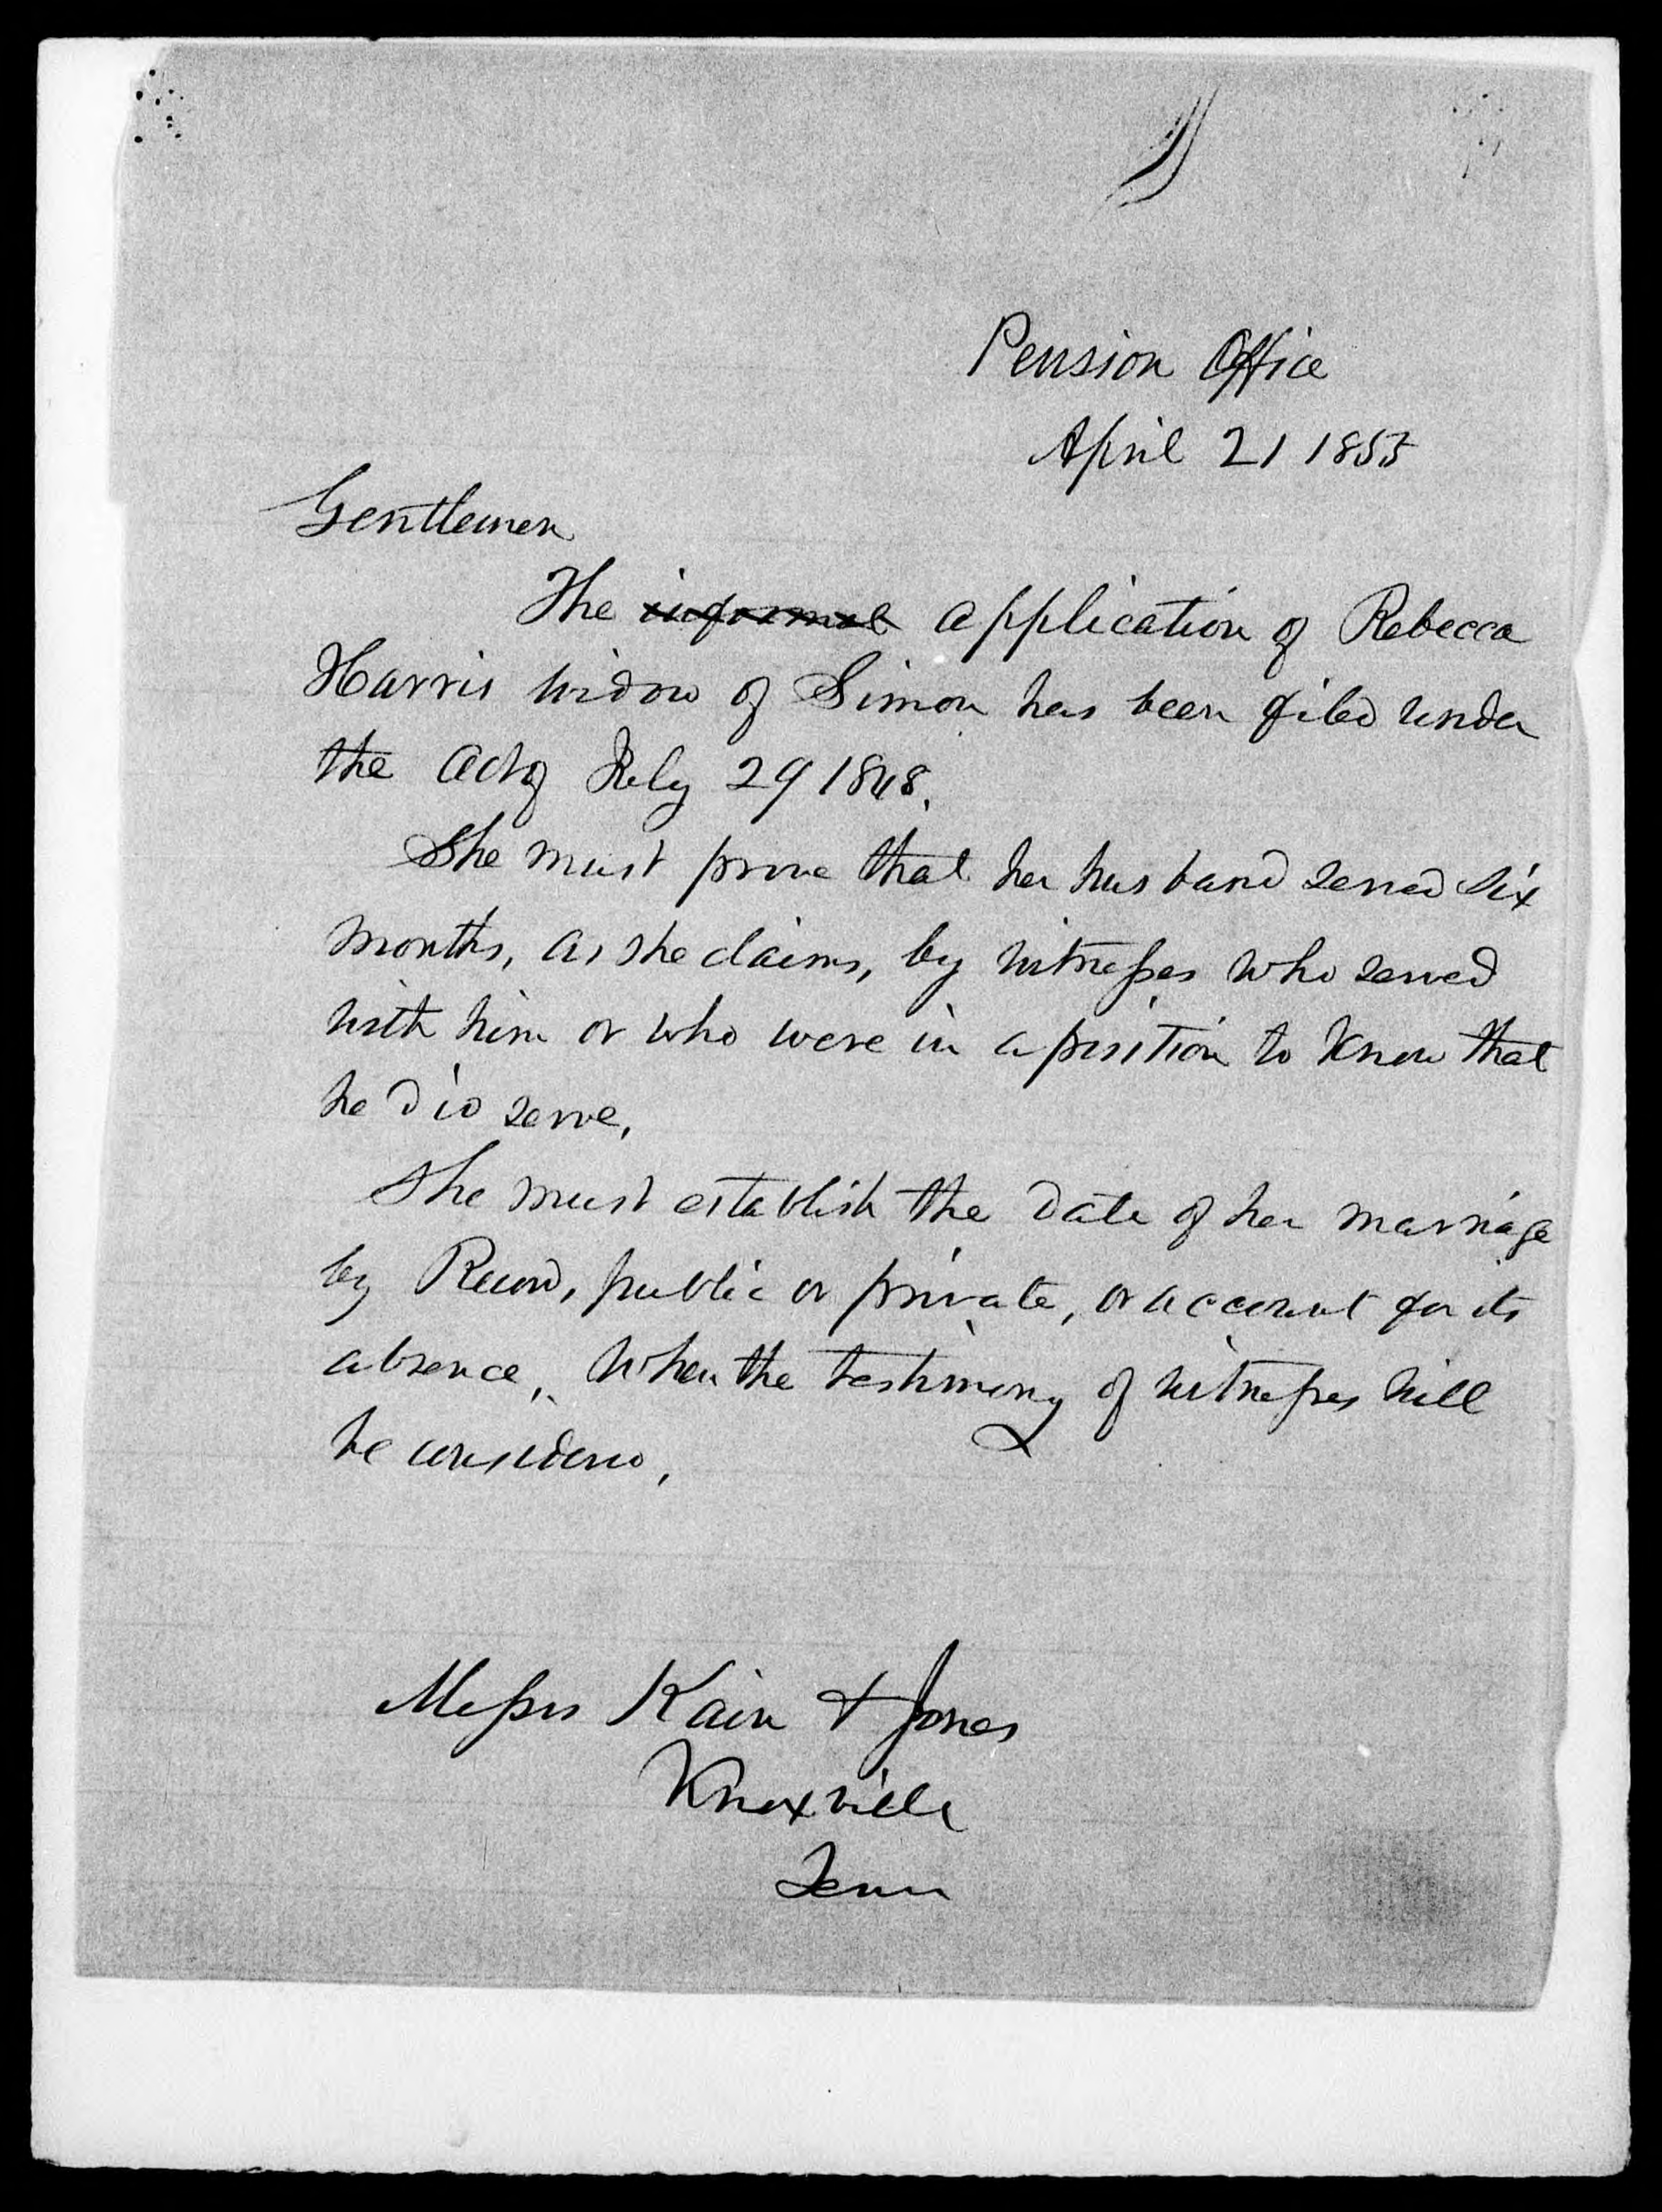Pension Office
April 21 1853

Gentlemen,
The [crossed out: informal] application of Rebecca Harris widow of Simon has been filed under the Act of July 29 1848.

She must prove that her husband served six months, as she claims, by witnesses who served with him or who were in a position to know that he did serve. 

She must establish the date of her marriage by Record, public or private, or account for its absence. When the testimony of witnesses will be considered.

Messer Kain & Jones
Knoxville
Tenn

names: Rebecca Harris, Simon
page: 23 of 24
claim: rejected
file: R. 4684, Simon Harris, Va.